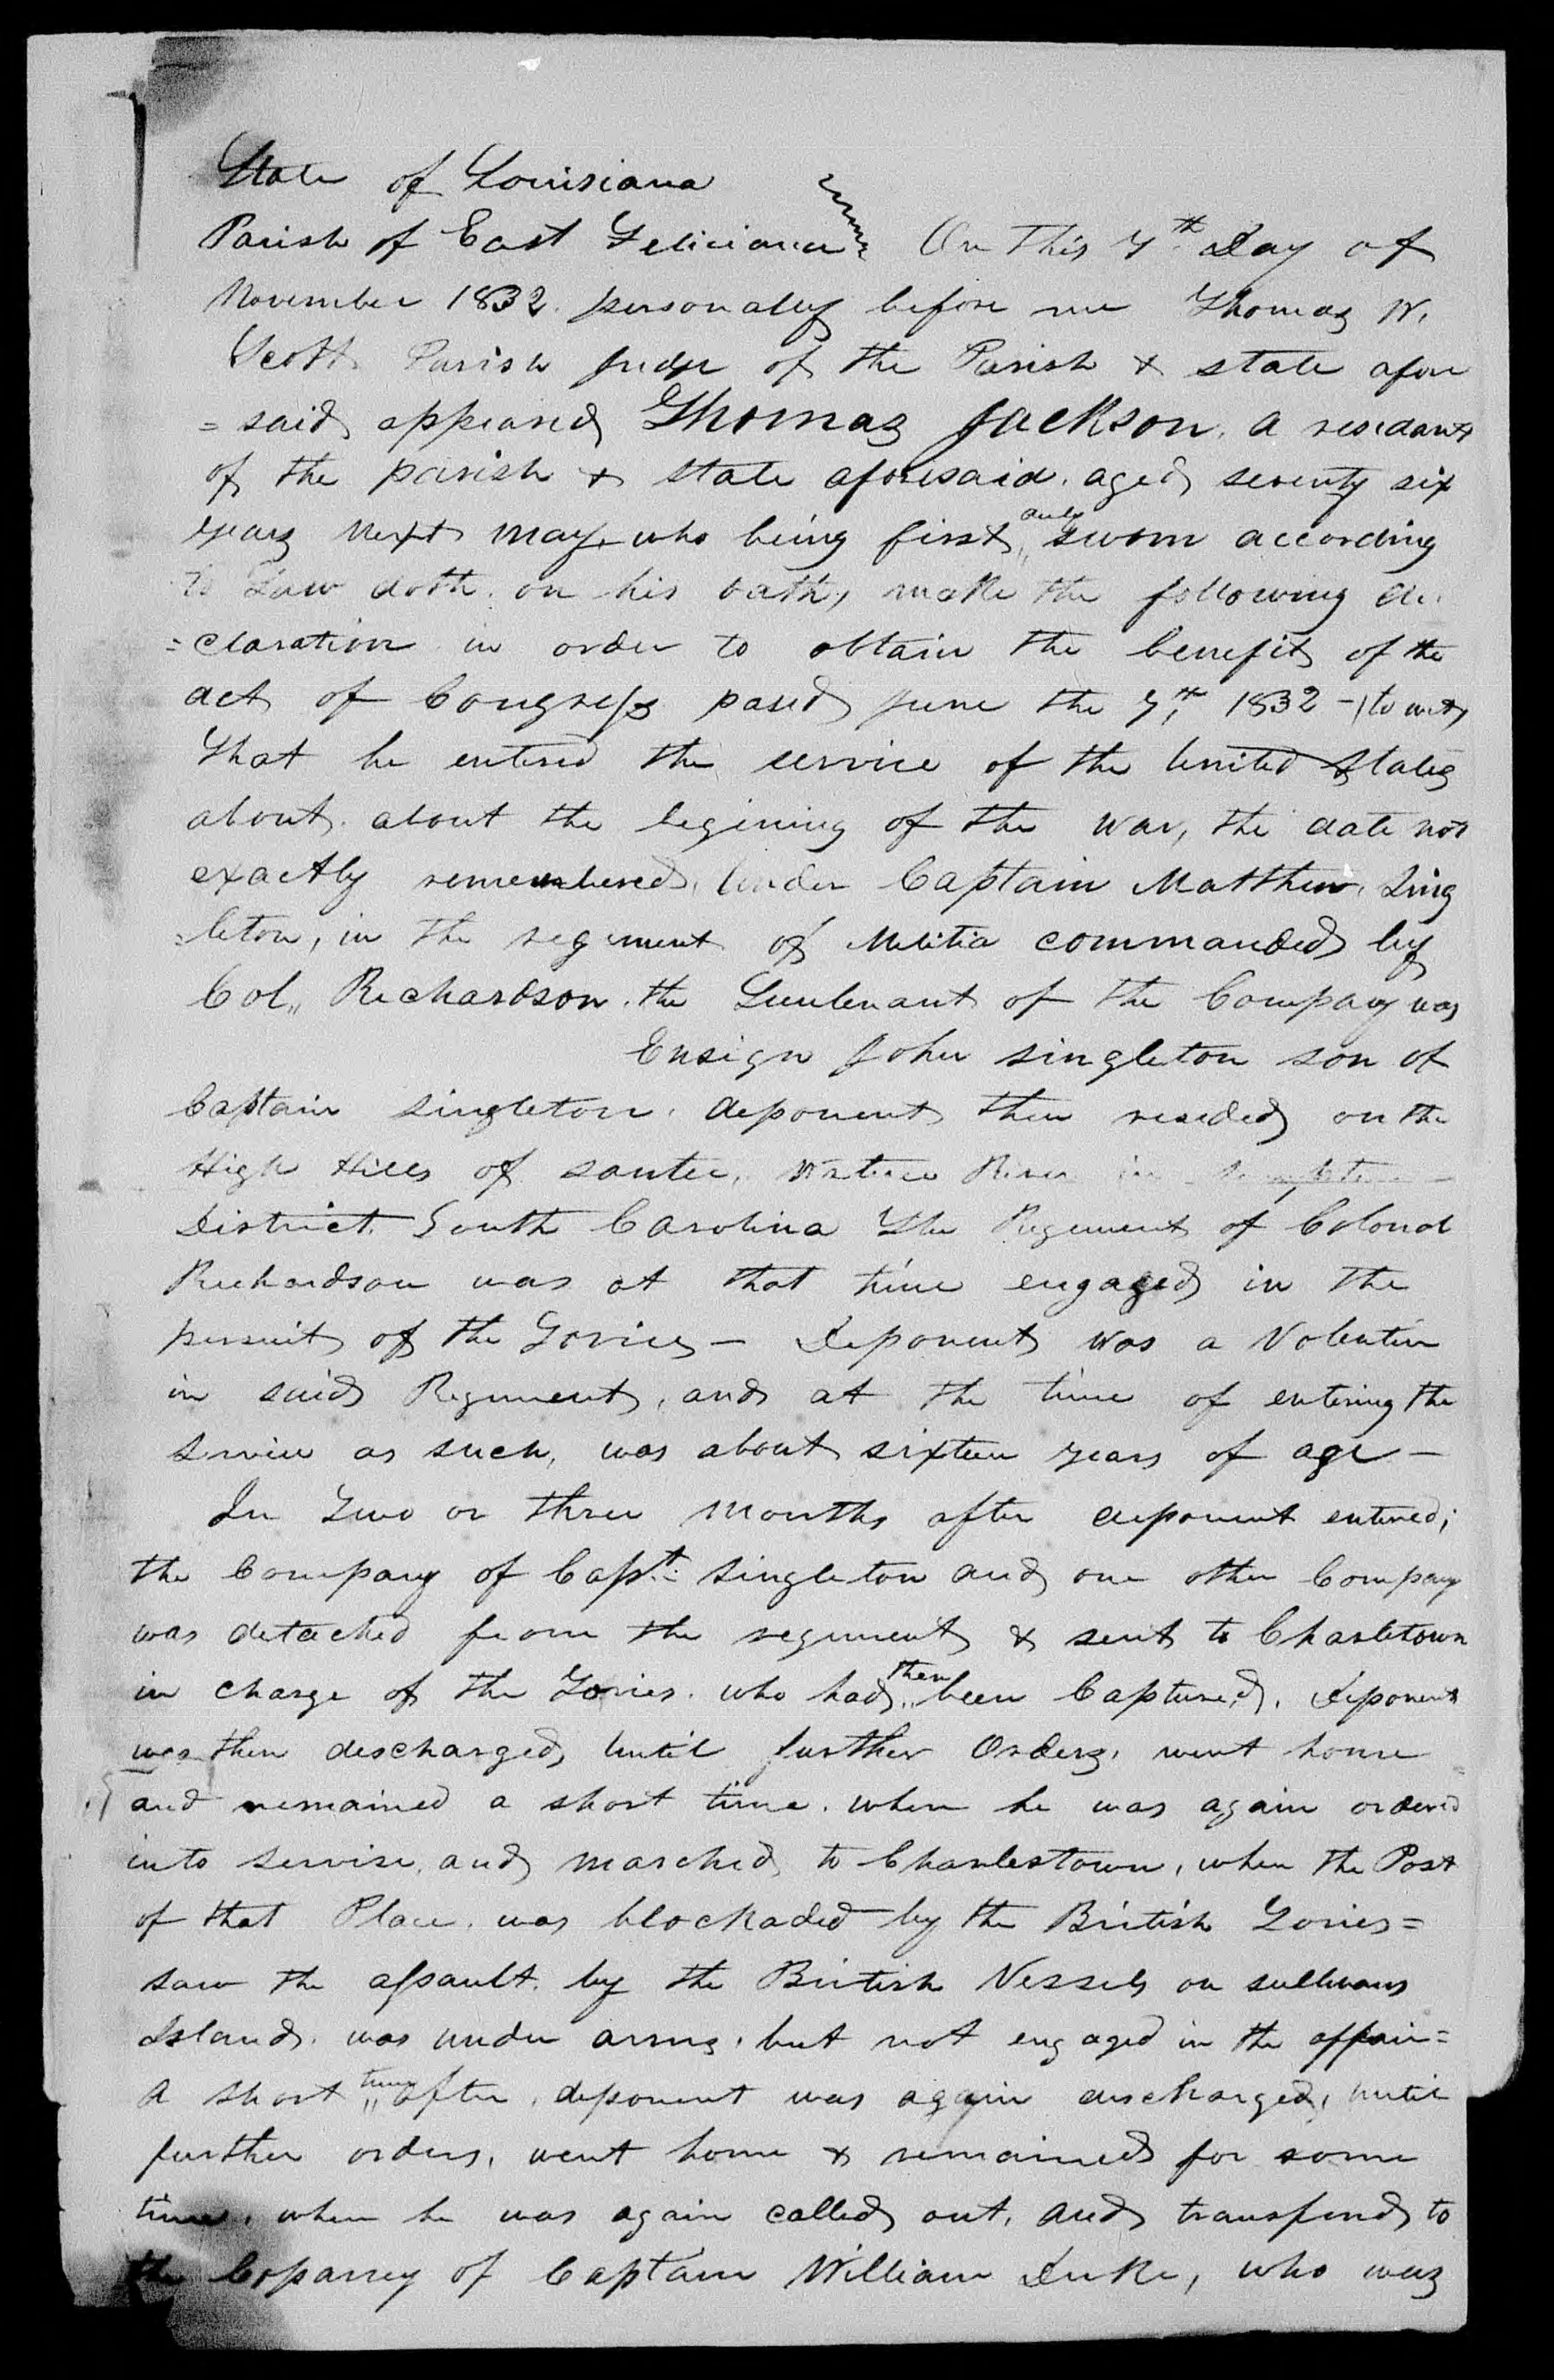State of Louisiana )
Parish of East Feliciana )
On this 7th day of
November 1832 personally before me Thomas W.
Scott Parish Judge of the Parish & State aforesaid 
appeared Thomas Jackson, a resident
of the parish & State aforesaid, aged seventy six
years next May who being first ^duly sworn according to
Law doth on his oath, make the following declaration 
in order to obtain the benefit of the
act of Congress pased June the 7th 1832 - to wit
That he entered the service of the United States
about about the begining of the war, the date not
exactly remembered, under Captain Matthew Singleton,
in the regiment of Militia commanded by
Col. Richardson, the Lieutenant of the Company was
Ensign John Singleton son of
Captain Singleton, deponent then resided on the
High Hills of Santee Waters River in [illegible]
District, South Carolina the Regiment of Colonel
Richardson was at that time engaged in the
pursuit of the Tories-- deponent was a volunteer
in said Regiment, and at the time of entering the
service as such, was about sixteen years of age-
In two or three months after deponent entered
the Company of Capt Singleton and one other Company
was detached from the regiment & sent to Charletown
in charge of the Tories who had ^then been captured. Deponent
was then discharged, until further orders, went home
and remained a short time, when he was again ordered
into service, and marched to Charlestown, when the Post
of that place, was blockaded by the British Tories.
Saw the assault by the British vessels on Sullivan
Island was under arms, but not engaged in the affair.
A short ^time after, deponent was again discharged, until
further orders, went home & remained for some
time, when he was again called out, and transfered to
the Company of Captain William Duke, who was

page: 4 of 54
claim: survivor's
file: S. 31166, for Thomas Jackson, South Carolina